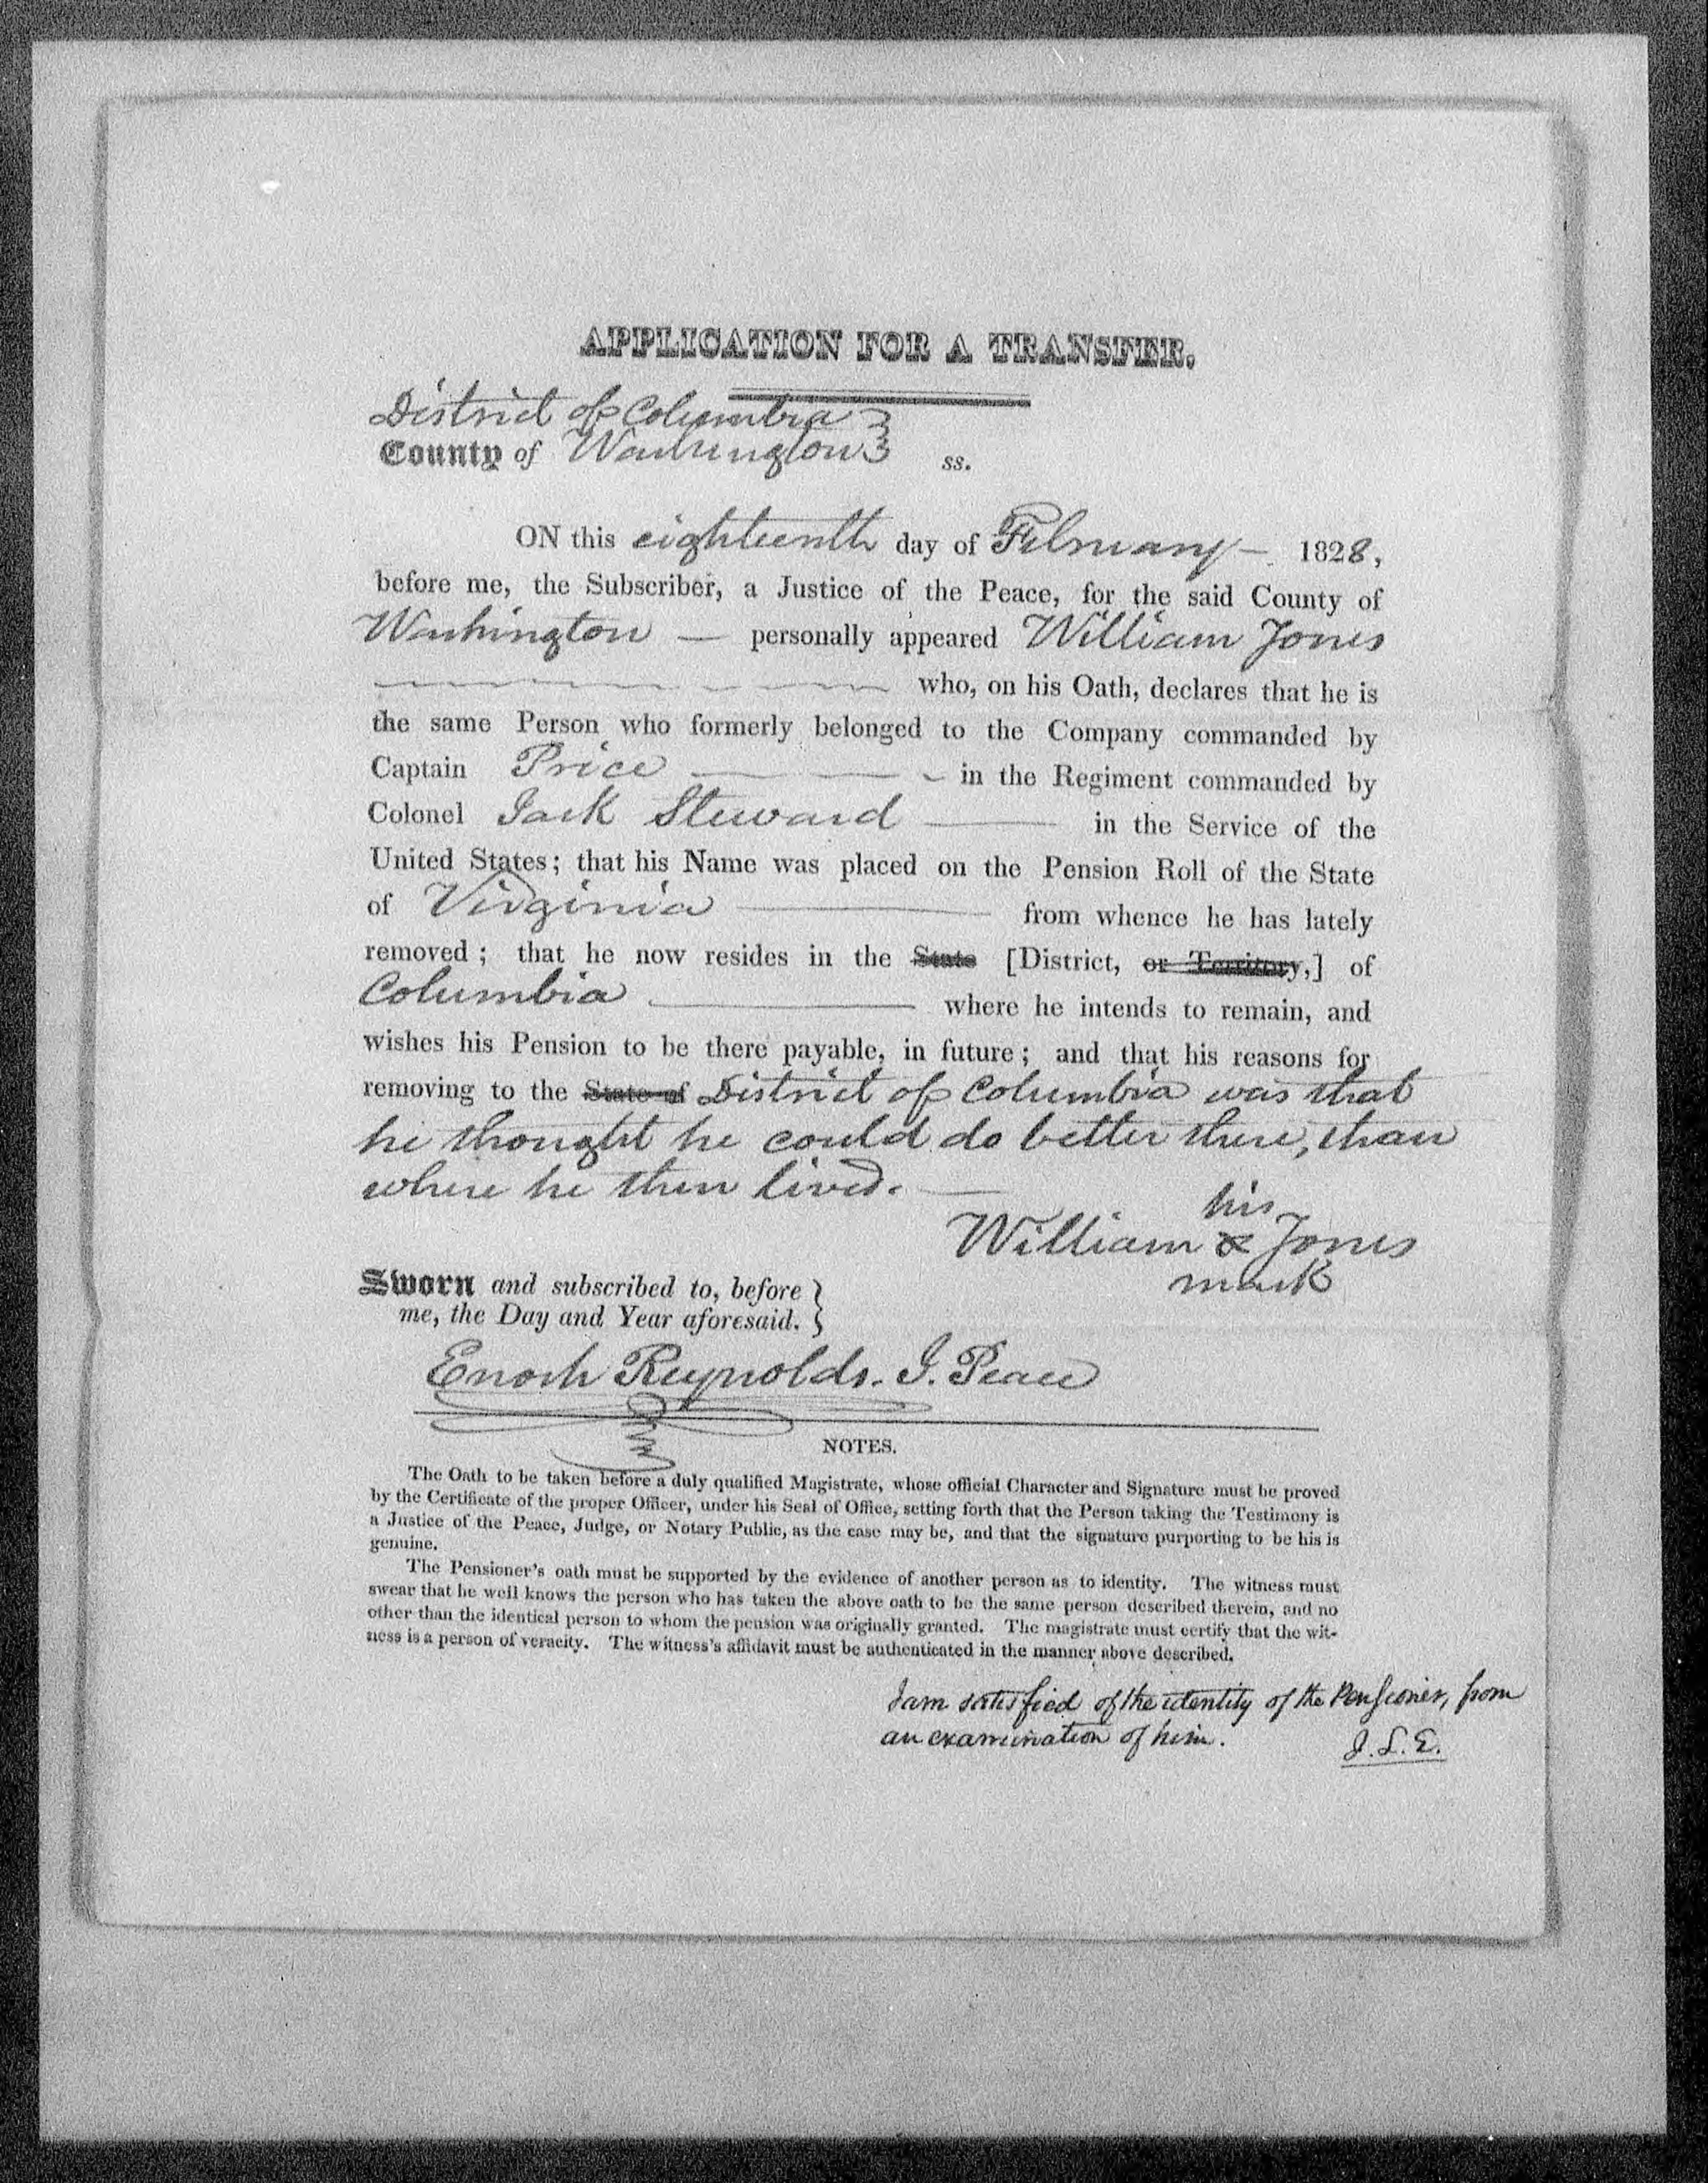APPLICATION FOR A TRANSFER.

District of Columbia}
County of Washington} ss.

ON this eighteenth day of February--1828, before me, the Subscriber, a Justice of the Peace, for the said County of Washington -- personally appeared William Jones the same Person who formerly belonged to the Company commanded by Captain Price in the Regiment commanded by Colonel Jack Steward in the Service of the United States; that his Name was placed on the Pension Roll of the State of Virginia from whenever he has lately removed: that he now resides in the State[crossed out] [District, or Territory[crossed out],] of Columbia where he intends to remain, and removing to the State of[crossed out] District of Columbia was that he thought he could do better there, than where he then lived.
William hisXmark Jones

Sworn and subscribed to, before}
me, the Day and Year aforesaid.}
Enoch Reynolds, J. Peace

NOTES.
The Oath to be taken before a duly qualified Magistrate, whose official Character and Signature must be proved by the Certificate of the proper Officer, under his Seal of Office, setting forth that the Person taking the Testimony is a Justice of the Peace, Judge, or Notary Public, as the case may be, and the the signature purporting to be his is genuine.
The Pensioner's oath must be supported by the evidence of another person as to identity. The witness must swear that he well knows the person who has taken the above oath to be the same person described therein, and no other than the identical person to whom the pension was originally granted. The magistrate must certify that the witness is a person of veracity. The witness's affidavit must be authenticated in the manner above described.

I am satisfied of the identity of the Pensioner, from an examination of him
J.L.E.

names: Jack Steward; Enoch Reynolds; [BLANK] Price; William Jones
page: 35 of 39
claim: widow's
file: W 6292, for William Jones, Maryland